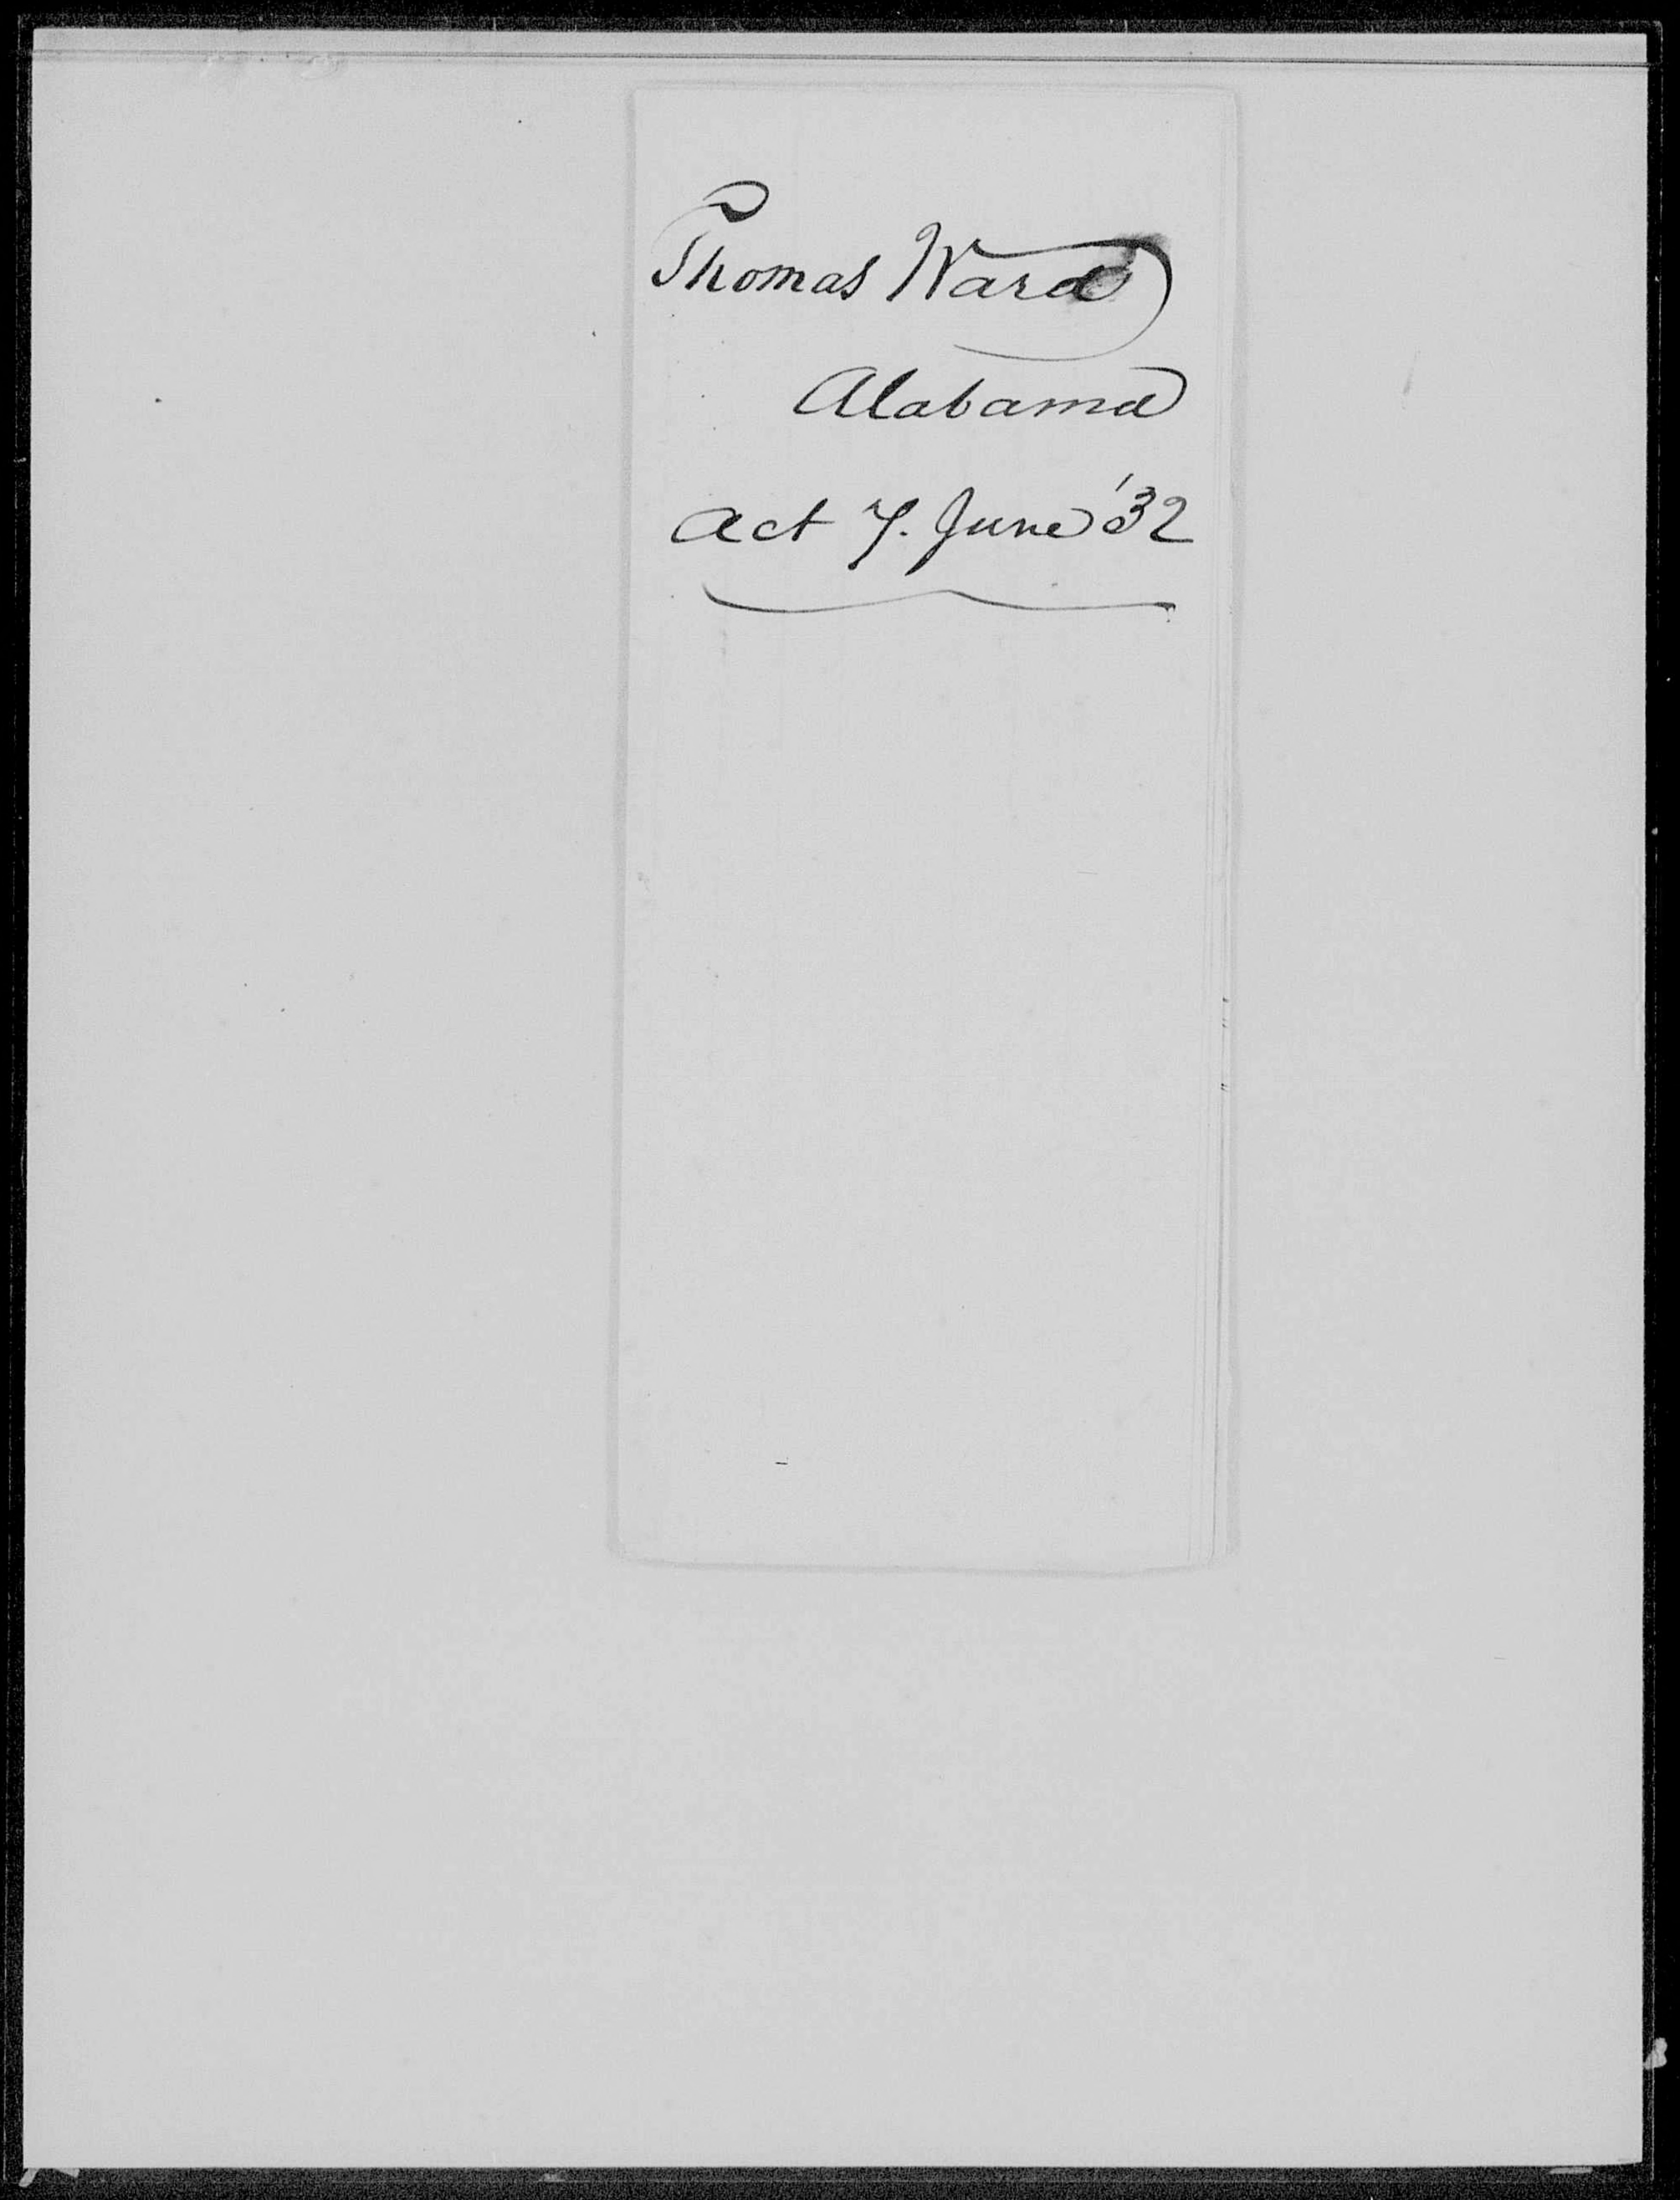Thomas Ward
Alabama
Act 7. June '32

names: Thomas Ward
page: 6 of 31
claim: survivor's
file: S. 14802, Thomas Ward, S.C.